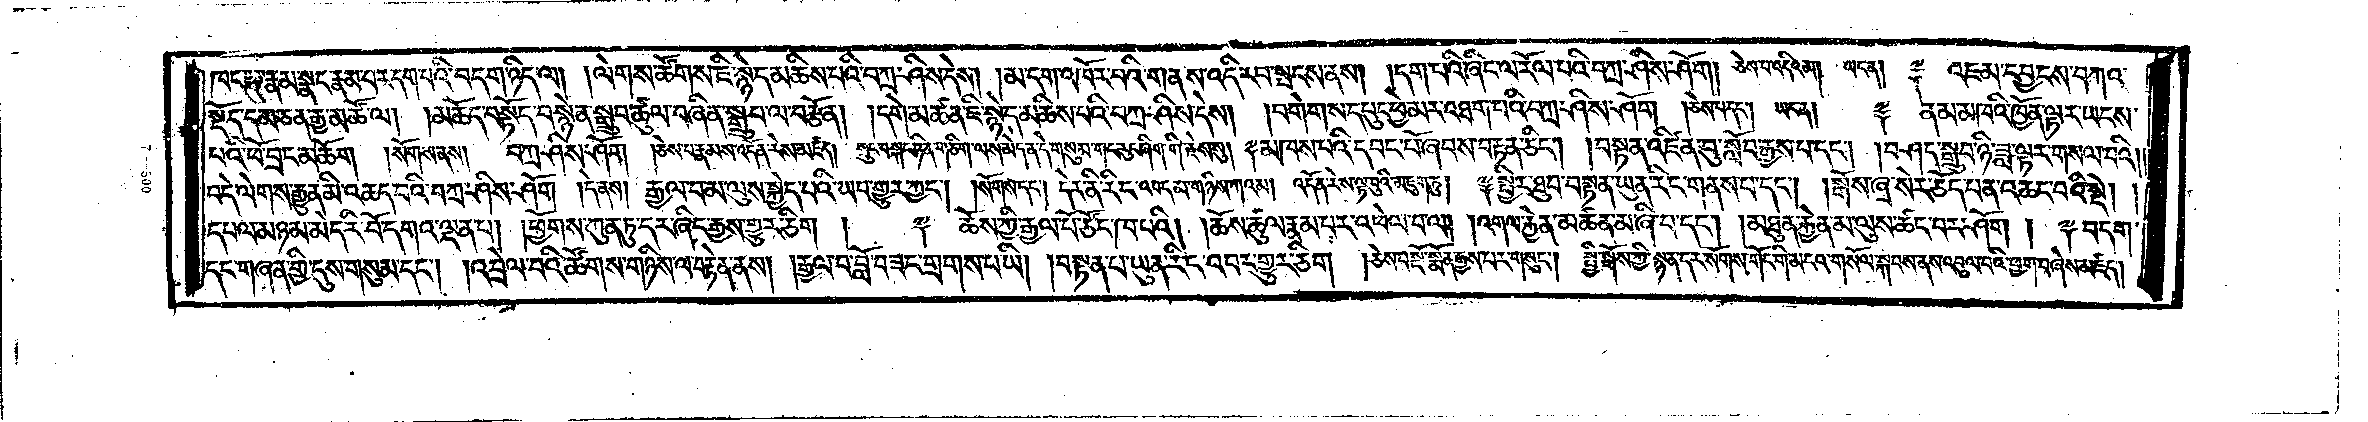ཁང༑ ༑རྣམ་སྣང་རྣམ་པར་དག་པའི་བདག་ཉིད་ལ། །ལེགས་ཚོགས་ཇི་སྙེད་མཆིས་པའི་བཀྲ་ཤིས་དེས། །མ་དག་འཁོར་བའི་གནས་འདི་རབ་སྤངས་ནས། །དག་པའི་ཞིང་ལ་རོལ་པའི་བཀྲ་ཤིས་ཤོག ། ཅེས་པ་འདིར་མ། ཡང་ན།  ༈ འཇམ་དབྱངས་བཀའ་
སྡོད་དམ་ཅན་རྒྱ་མཚོ་ལ། །མཆོད་བསྟོད་བསྙེན་སྒྲུབ་ཚུལ་བཞིན་སྒྲུབ་ལ་བརྩོན། །དགེ་མཚན་ཇི་སྙེད་མཆིས་པའི་བཀྲ་ཤིས་དེས། །བགེགས་དཔུང་ཕྱེ་མར་འཐག་པའི་བཀྲ་ཤིས་ཤོག་།ཅེས་པ་དང་། ཡང་ན།  ༈ ནམ་མཁའི་ཁྱོན་ལྟར་ཡངས་
པའི་ཕོ་གྲང་མཆོག་།སོགས་ནས།  བཀྲ་ཤིས་།ཅེས་པ་རྣམས་འདོན་རེས་མཛད། སྲུང་བསྐང་ཉིན་གཅིག་ལས་མེད་ན་དེ་གསུམ་གང་རུང་ཞིག་གི་རྗེས་སུ།  ༈ མཁས་པའི་དབང་པོ་ཞབས་བརྟན་ཅིང་། །བསྟན་འཛིན་བུ་སློབ་རྒྱས་པ་དང་། །བཤད་སྒྲུབ་ཉི་ཟླ་ལྟར་གསལ་བའི། །
བདེ་ལེགས་རྒྱུན་མི་འཆད་པའི་བཀྲ་ཤིས་ཤོག་།དེ་ནས།  རྒྱལ་བ་མ་ལུས་སྐྱེད་པའི་ཡབ་གྱུར་ཀྱང་། །སོགས་དང་།  དེར་ནི་རིང་འདབ་མ་གཉིས་ཀའམ། འདོན་རེས་ལྟ་བུའི་མཇུག་ཏུ།  ༈ སྤྱིར་ཐུབ་བསྟན་ཡུན་རིང་གནས་པ་དང་། །སྒོས་ཞྭ་སེར་ཅོད་པན་འཆང་བའི་སྡེ། །
དཔལ་མཉམ་མེད་རི་བོ་དགའ་ལྡན་པ། །ཕྱོགས་ཀུན་ཏུ་དར་ཞིང་རྒྱས་གྱུར་ཅིག ། ༈ ཆོས་ཀྱི་རྒྱལ་པོ་ཙོང་ཁ་བའི། །ཆོས་ཚུལ་རྣམ་པར་འཕེལ་བ་ལ། །འགལ་རྐྱེན་མཚན་མ་ཞི་བ་དང་། །མཐུན་རྐྱེན་མ་ལུས་ཚང་བར་ཤོག ། ༈ བདག་
དང་གཞན་གྱི་དུས་གསུམ་དང་། །འབྲེལ་བའི་ཚོགས་གཉིས་ལ་བརྟེན་ནས། །རྒྱལ་བ་བློ་བཟང་གྲགས་པ་ཡི། །བསྟན་པ་ཡུན་རིང་འབར་གྱུར་ཅིག། །ཅེས་བསྔོ་སྨོན་རྒྱས་པར་གསུང་། སྤྱི་སྒོས་ཀྱི་སྙན་དང་སོགས་གོང་གི་མངའ་གསོལ་སྐབས་ནས་འབུལ་བའི་ཕྱག་བཞེས་མཛད།